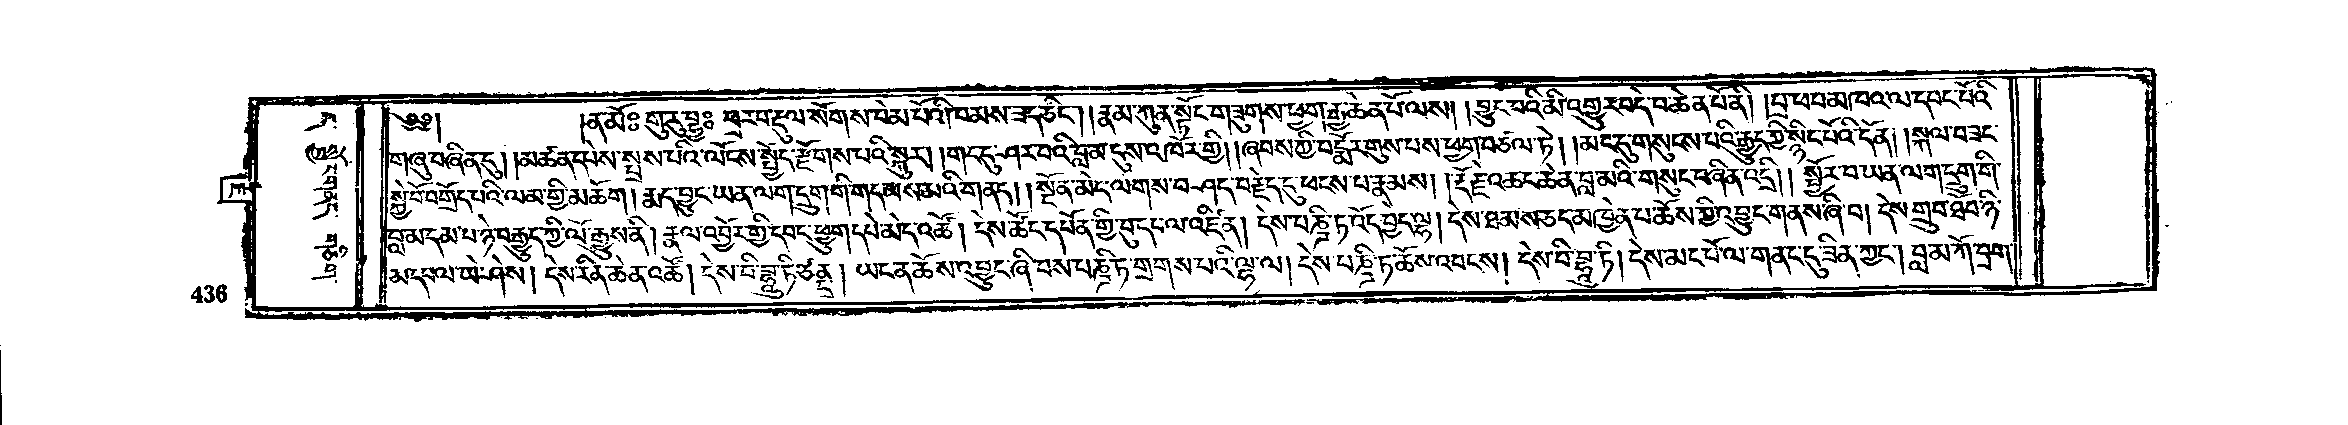༄༅། །ན་མོཿ གུ་རུ་བྷྱཿ ཕྲ་རབ་རྡུལ་སོགས་བེམ་པོའི་ཁམས་ཟད་ཅིང་། །རྣམ་ཀུན་སྟོང་གཟུགས་ཕྱག་རྒྱ་ཆེན་པོ་ལས། །བྱུང་བའི་མི་འགྱུར་བདེ་བ་ཆེན་པོ་ནི། །པྲ་ཕབ་མཁའ་ལ་དབང་པོའི་
གཞུ་བཞིན་དུ། །མཚན་དཔེས་སྤྲས་པའི་ལོངས་སྤྱོད་རྫོགས་པའི་སྐུར། །གང་དུ་ཤར་བའི་བླ་མ་དུས་འཁོར་གྱི། །ཞབས་ཀྱི་པདམོར་གུས་པས་ཕྱག་བཙལ་ཏེ། །མང་དུ་གསུངས་པའི་རྒྱུད་ཀྱི་སྙིང་པོའི་དོན། །སྐལ་བཟང་
སྐྱེ་བོ་བགྲོད་པའི་ལམ་གྱི་མཆོག །རྨད་བྱུང་ཡན་ལག་དྲུག་གི་གདམས་མའི་གནད། །སྔོན་མེད་ལགས་བཤད་བརྗེད་དུ་ཕངས་པ་རྣམས། །རྡོ་རྗེ་འཆང་ཆེན་བླ་མའི་གསུང་བཞིན་འདྲི། །སྦྱོར་བ་ཡན་ལག་དྲུག་གི་
བླ་མ་དམ་པ་ཉེ་བརྒྱུད་ཀྱི་ལོ་རྒྱུས་ནི། རྣལ་འབྱོར་གྱི་དབང་ཕྱུག་དཔེ་མེད་འཚོ། དེས་ཚོང་དཔོན་གྱི་བུ་དཔལ་འཛིན། དེས་པཎྜི་ཏ་འོད་བྱེད་ལྷ། དེས་ཐམས་ཅད་མཁྱེན་པ་ཆོས་ཀྱི་འབྱུང་གནས་ཞི་བ། དེས་གྲུབ་ཐོབ་ཉི་
མ་དཔལ་ཡེ་ཤེས། དེས་རིན་ཆེན་འཚོ། དེས་བི་བྷཱུ་ཏི་ཙནྡྲ། ཡང་ན་ཆོས་འབྱུང་ཞི་བས་པཎྜི་ཏ་གྲགས་པའི་ལྷ་ལ། དེས་པཎྜི་ཏ་ཆོས་འྤངས། དེས་བི་བྷཱུ་ཏི། དེས་མང་པོ་ལ་གནང་དུ་ཟིན་ཀྱང་། བླ་མ་ཀོ་བྲག་